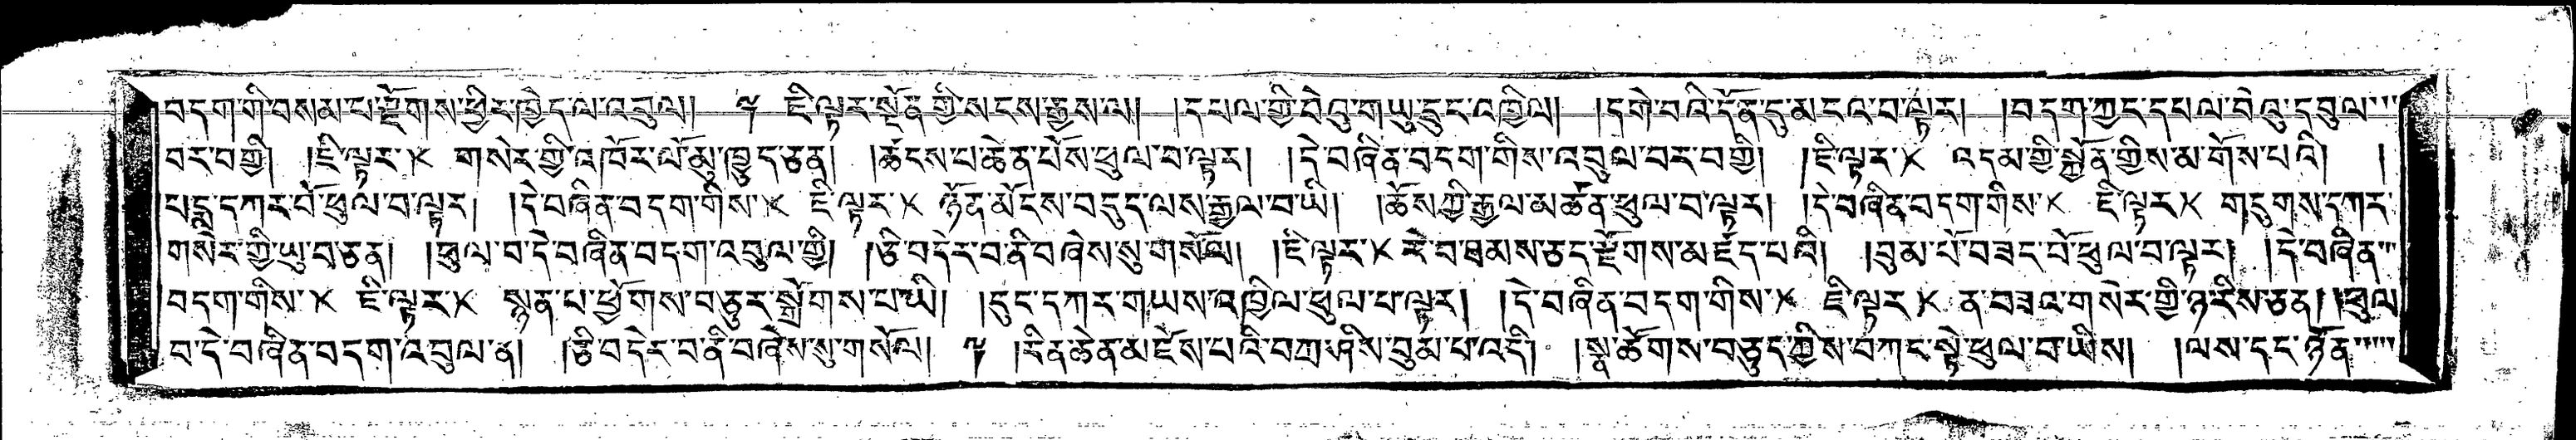བདག་གི་བསམ་པ་རྫོགས་ཕྱིར་ཁྱེད་ལ་འབུལ། ༈ ཇི་ལྟར་སྔོན་གྱི་སངས་རྒྱས་ལ། །དཔལ་གྱི་བེའུ་གཡུ་དྲུང་འཁྱིལ། །དགེ་བའི་དོན་དུ་མངའ་བ་ལྟར། །བདག་ཀྱང་དཔལ་བེའུ་དབུལ་
བར་བགྱི། །ཇི་ལྟར་{྾}་གསེར་གྱི་འཁོར་ལོ་མུ་ཁྱུད་ཅན། །ཚངས་པ་ཆེན་པོས་ཕུལ་བ་ལྟར། །དེ་བཞིན་བདག་གིས་འབུལ་བར་བགྱི། །ཇི་ལྟར་{྾}་འདམ་གྱི་སྐྱོན་གྱིས་མ་གོས་པའི། །
པདམ་དཀར་བོ་ཕུལ་བ་ལྟར། །དེ་བཞིན་བདག་གིས་{྾}་ཇི་ལྟར་{྾}་ཉོན་མོངས་བདུད་ལས་རྒྱལ་བ་ཡི། །ཆོས་ཀྱི་རྒྱལ་མཚན་ཕུལ་བ་ལྟར། །དེ་བཞིན་བདག་གིས་{྾}་ཇི་ལྟར་{྾}་གདུགས་དཀར་
གསེར་གྱི་ཡུ་བ་ཅན། །ཕུལ་བ་དེ་བཞིན་བདག་འབུལ་གྱི། །ཅི་བདེར་བ་ནི་བཞེས་སུ་གསོལ། །ཇི་ལྟར་{྾}་རེ་བ་ཐམས་ཅད་རྫོགས་མཛད་པའི། །བུམ་པོ་བཟང་པོ་ཕུལ་བ་ལྟར། །དེ་བཞིན་
བདག་གིས་{྾}་ཇི་ལྟར་{྾}་སྙན་པ་ཕྱོགས་བཅུར་སྒྲོགས་པ་ཡི། །དུང་དཀར་གཡས་འཁྱིལ་ཕུལ་པ་ལྟར། །དེ་བཞིན་བདག་གིས་{྾}་ཇི་ལྟར་{྾}་ན་བཟའ་གསེར་གྱི་ཉ་རིས་ཅན། །ཕུལ་
བ་དེ་བཞིན་བདག་འབུལ་ན། །ཅི་བདེར་བ་ནི་བཞེས་སུ་གསོལ། ༈ །རིན་ཆེན་མཛེས་པའི་བཀྲ་ཤིས་བུམ་པ་འདི། །སྣ་ཚོགས་བཅུད་ཀྱིས་བཀང་སྟེ་ཕུལ་བ་ཡིས། །ལས་དང་ཉོན་